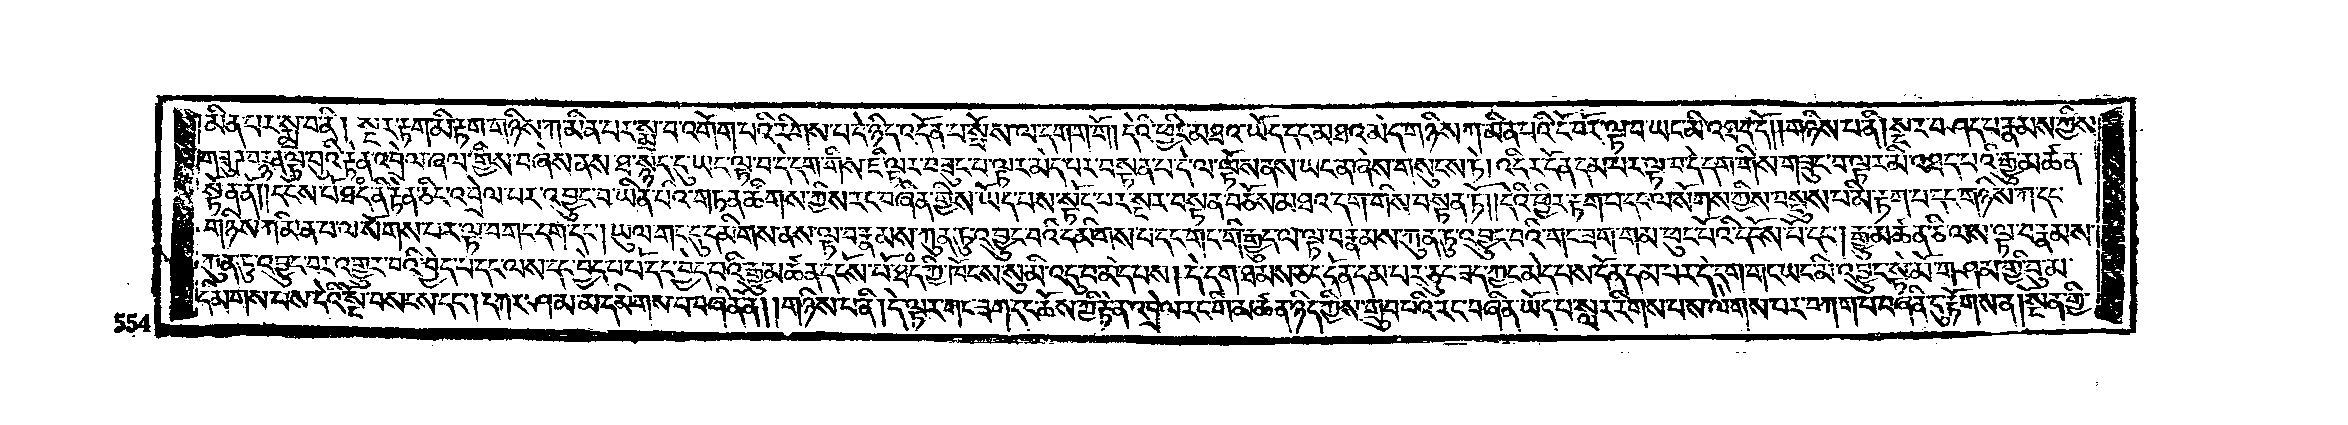མིན་པར་ས?ཧ་བ་ནི། སྔར་ཏ་ཏག་གཉིས་ཀ་མིན་པར་སྨྲ་བ་འགོག་པའི་རིགས་པ་དེ་ཉིད་འདོན་པ་སྤོས་པ་ལ་དགག་གོ། དེའི་ཕྱིར་མཐའ་ཡོད་དང་མཐའ་མེད་གཉིས་ཀ་མིན་པའི་ངོ་བོར་ལྟ་བ་ཡང་མི་འཐད་དོ། །གཉིས་པ་ནི། སྔར་བཤད་པ་རྣམས་ཀྱིས་
གཟའ་བརྩན་ལྟ་བུའི་རྟེན་འབྲེལ་ཞེ་ལ་གྱེས་བཞེས་ནས་སྙད་དུ་ཡང་ལྟ་བ་དེ་དག་གིས་ཇི་ལྟར་བཟུང་བ་ལྟར་མེད་པར་བསྟན་པ་དེ་ལ་ལྟོས་ནས་ཡང་ན་ཞེས་གསུངས་ཏེ། འདིར་དོན་དམ་པར་ལྟ་བ་དེ་དག་དག་གིས་གཟུང་བ་ལྟར་མ་འཐད་པའི་རྒྱུན་མཚན་
སྟོན་ནོ། །དངོས་པོ་ཐཾད་ནི་རྟེན་ཅིང་འབྲེལ་བར་འབྱུང་བ་ཡིན་པའི་གཏན་ཚིགས་ཀྱིས་རང་བཞིན་གྱིས་ཡོད་པས་སྟོང་པར་བསྟན་བཅོས་མཐའ་དག་གིས་བསྟན་ཏོ། །དེའི་ཕྱིར་རྟག་པ་དང་ལ་སོགས་ཀྱིས་བསྡུས་པ་མི་རྟོག་པ་དང་གཉིས་ཀ་དང་
གཉིས་ཀ་མན་པ་ལ་སོགས་པར་ལྟ་བ་གང་དག་དང་། ཡུལ་གང་དུ་དམིགས་ནས་ལྟ་བ་རྣམས་ཀུན་ཏུ་འབྱུང་བའི་དམིགས་པ་དང་གང་གི་རྒྱུད་ལ་ལྟ་བ་རྣམས་ཀུན་ཏུ་འབྱུང་བའི་གང་ཟག་གམ་ཕུང་པའི་དངོས་པོ་དང་། རྒྱུ་མཚན་ཅི་ལས་ལྟ་བ་རྣམས་
ཀུན་ཏུ་འབྱུང་བར་འགྱུར་བའི་བྱེད་པ་དང་ལས་དང་བྱེད་པ་པོ་དང་བྱེད་པའི་རྒྱུ་མཚན་དངོས་པོ་ཐད་ཀྱི་ཁོངས་སུ་མི་འདུ་བ་མེད་པས། དེ་དག་ཐམས་ཅད་དོན་དམ་པར་ཅུང་ཟད་ཀྱང་མེད་པས་དོན་དམ་པར་དེ་དག་གང་ཡང་མི་འབྱུང་སྟེ་མོ་གཤམ་གྱི་བུ་མ་
དམིགས་པས་དེའི་སྔོ་བསངས་དང་། དཀར་ཤམ་མ་དམིགས་པ་བཞིན་ནོ། །གཉིས་པ་ནི། དེ་ལྟར་གང་ཟག་དང་ཆོས་ཀྱི་རྟེན་འབྲེལ་རང་གི་མཚན་ཉིད་ཀྱིས་གྲུབ་པའི་རང་བཞིན་ཡོད་པ་སླར་རིགས་པས་ལེགས་པར་བཀག་པ་བཞིན་དུ་རྟོགས་ན། སྔོན་གྱི་